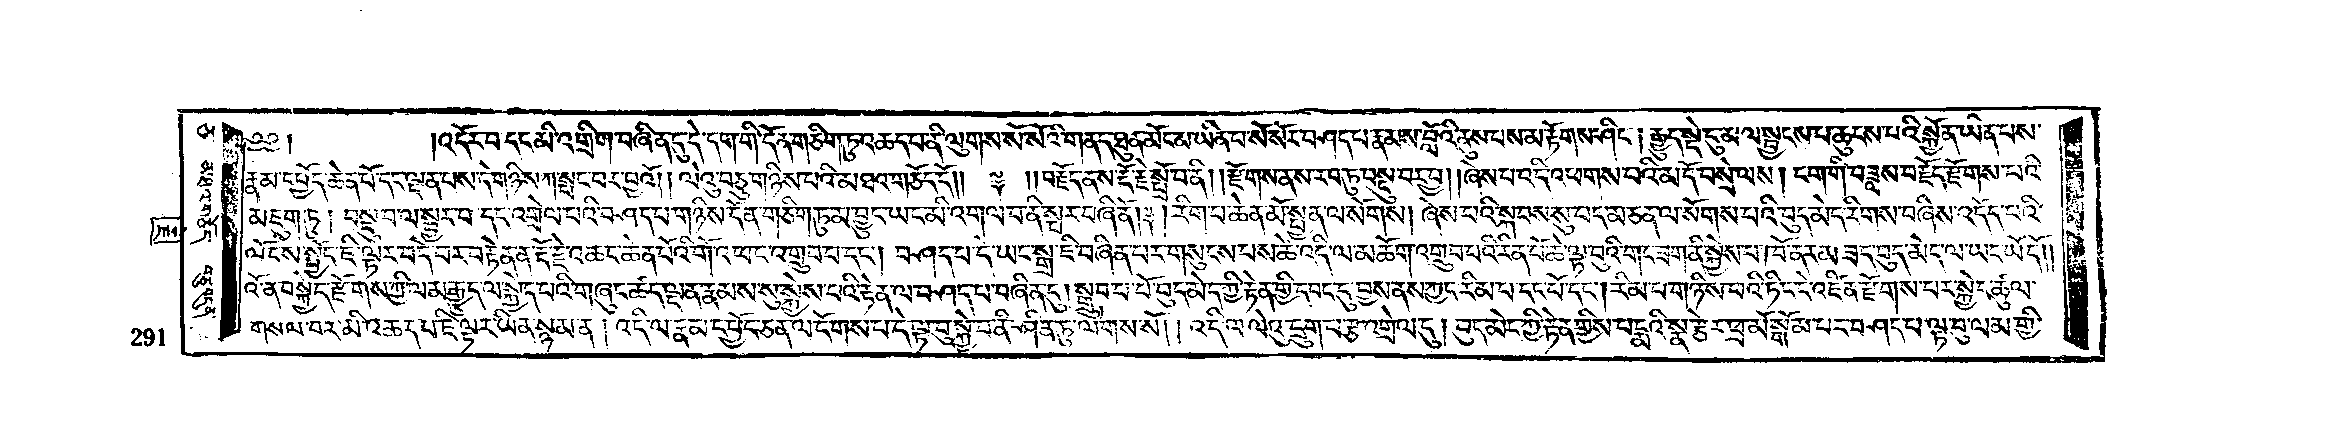༄༅། །འདོར་བ་དང་མི་འགྲིག་བཞིན་དུ་དེ་དག་གི་དོན་གཅིག་ཏུ་འཆད་པ་ནི་ལུགས་སོ་སོའི་གནད་ཐུན་མོང་མ་ཡིན་པ་སོ་སོར་བཤད་པ་རྣམས་བློའི་ནུས་པས་མ་རྟོགས་ཤིང་། རྒྱུད་སྡེ་དུ་མ་ལ་སྦྱངས་པ་ཚུངས་པའི་སྐྱོན་ཡིན་པས་
རྣམ་དཔྱོད་ཆེན་པོ་དང་ལྡན་པས་དེ་གཉིས་ཀ་སྤང་བར་བྱའོ། །ལེའུ་བཅུ་གཉིས་པའི་མཐའ་གཅོད་དོ།། ༈ །།བརྗོད་ནས་རྡོ་རྗེ་སྤྲོ་བ་ནི། །རྫོགས་ནས་རབ་ཏུ་བསྡུ་བར་བྱ། །ཞེས་པ་འདི་འཕགས་པའི་མདོ་བསྲེ་ལས། ངག་གི་བཟླས་བརྗོད་རྫོགས་པའི་
མཇུག་ཏུ། བསྡུ་བ་ལ་སྦྱར་བ་དང་འགྲེལ་པའི་བཤད་པ་གཉིས་དོན་གཅིག་ཏུ་མ་བྱུང་ཡང་མི་འགལ་བ་ནི་སྔར་བཞིན་ནོ། ༈ །རིག་པ་ཆེན་མོ་སྤྱན་ལ་སོགས། ཞེས་པའི་སྐབས་སུ་པད་མ་ཅན་ལ་སོགས་པའི་བུད་མེད་རིགས་བཞིས་འདོད་པའི་
ལོངས་སྤྱོད་ཇི་ལྟར་བདེ་བར་བརྟེན་ན་རྡོ་རྗེ་འཆང་ཆེན་པོའི་གོ་འཕང་འགྲུབ་པ་དང་། བཤད་པ་དེ་ཡང་སྒྲ་ཇི་བཞིན་པར་གསུངས་པས་ཚེ་འདི་ལ་མཆོག་འགྲུབ་པའི་རིན་པོ་ཆེ་ལྟ་བུའི་གང་ཟག་ནི་སྐྱེས་པ་ཁོ་ནར་མ་ཟད་བུད་མེད་ལ་ཡང་ཡོད་དོ། །
འོ་ན་བསྐྱེད་རྫོགས་ཀྱི་ལམ་རྒྱུད་ལ་སྐྱེད་པའི་གཞུང་ཚད་ལྡན་རྣམས་སུ་སྐྱེས་པའི་རྟེན་ལ་བཤད་པ་བཞིན་དུ། སྒྲུབ་པ་པོ་བུད་མེད་ཀྱི་རྟེན་གྱི་དབང་དུ་བྱས་ནས་ཀྱང་རིམ་པ་དང་པོ་དང་། རིམ་པ་གཉིས་པའི་ཏིང་ངེ་འཛིན་རྫོགས་པར་སྐྱེད་ཚུལ་
གསལ་བར་མི་འཆད་པ་ཇི་ལྟར་ཡིན་སྙམ་ན། འདི་ལ་རྣམ་དཔྱོད་ཅན་ལ་དོགས་པ་དེ་ལྟ་བུ་སྐྱེ་བ་ནི་ཤིན་ཏུ་ལེགས་སོ། །འདི་ལ་ལེའུ་དྲུག་པ་རྩ་འགྲེལ་དུ། བུད་མེད་ཀྱི་རྟེན་གྱིས་པདམའི་སྣ་རྩེར་ཕྲ་མོ་སྒོམ་པར་བཤད་པ་ལྟ་བུ་ལམ་གྱི་